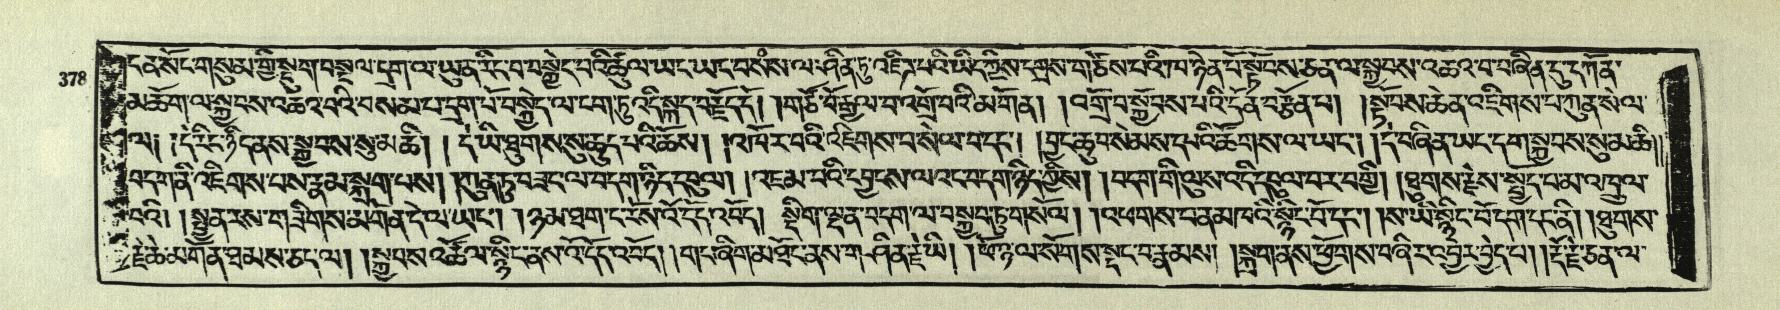ངན་སོང་གསུམ་གྱི་སྡུག་བསྔལ་དྲག་ལ་ཡུན་རིང་བ་བསྐྱེད་པའི་ཚུལ་ཡང་ཡང་བསཾས་ལ་ཤིན་ཏུ་འཇིཌ་པའི་ཡིད་ཀྱིས་དགྲས་གཙེས་པའི་ཁ་ཉེན་པོ་སྟོབས་ཅན་ལ་སྐྱབས་འཆའ་བ་བཞིན་དུ་དཀོན་
མཆོག་ལ་སྐྱབས་འཆའ་བའི་བསམ་པ་དྲག་པོ་བསྐྱེད་ལ་ངག་ཏུ་འདི་སྐད་བརྗོད་དོ། །གཙོ་བོ་རྒྱལ་བ་འགྲོ་བའི་མགོན་། །འགྲོ་བ་སྐྱོབས་པའི་དོན་བརྩོན་པ། །སྟོབས་ཆེན་འཇིགས་པ་ཀུན་སེལ་
ལ༑ ༑དེ་རིང་ཉིད་ནས་སྐྱབས་སུ་མཆི། །དེ་ཡི་ཐུགས་སུ་ཆུད་པའི་ཆོས། །འཁོར་བའི་འཇིགས་པ་སེལ་བ་དང་། །བྱང་ཆུབ་སེམས་དཔའི་ཚོགས་ལ་ཡང་། །དེ་བཞིན་ཡང་དག་སྐྱབས་སུ་མཆི།།
བདག་ནི་འཇིགས་པས་རྣམ་སྐྲག་པས། །ཀུན་ཏུ་བཟང་ལ་བདག་ཉིད་དབུལ། །འཇམ་པའི་དབྱངས་ལའང་བདག་ཉིད་ཀྱིས། །བདག་གི་ལུས་འདི་དབུལ་བར་བགྱི། །ཐུགས་རྗེས་སྤྱོད་པ་མ་འཁྲུལ་
བའི། །སྤྱན་རས་གཟིགས་མགོན་དེ་ལ་ཡང་། །ཉམ་ཐག་ང་རོས་འོ་དོད་འབོད། སྡིག་ལྡན་བདག་ལ་བསྐྱབ་ཏུ་གསོལ། །འཕགས་པ་ནམཁའི་སྙིང་པོ་དང་། །ས་ཡི་སྙིང་པོ་དག་དང་ནི། །ཐུགས་
རྗེ་ཆེ་མགོན་ཐམས་ཅད་ལ། །སྐྱབས་འཚོལ་སྙིང་ནས་འོ་དོད་འབོད། །གང་ཞིག་མཐོང་ནས་གཤིན་རྗེ་ཡི། །ཕོ་ཉ་ལ་སོགས་སྡང་བ་རྣམས། །སྐྲག་ནས་ཕྱོགས་བཞིར་འབྱེར་བྱེད་པ། །རྡོ་རྗེ་ཅན་ལ་